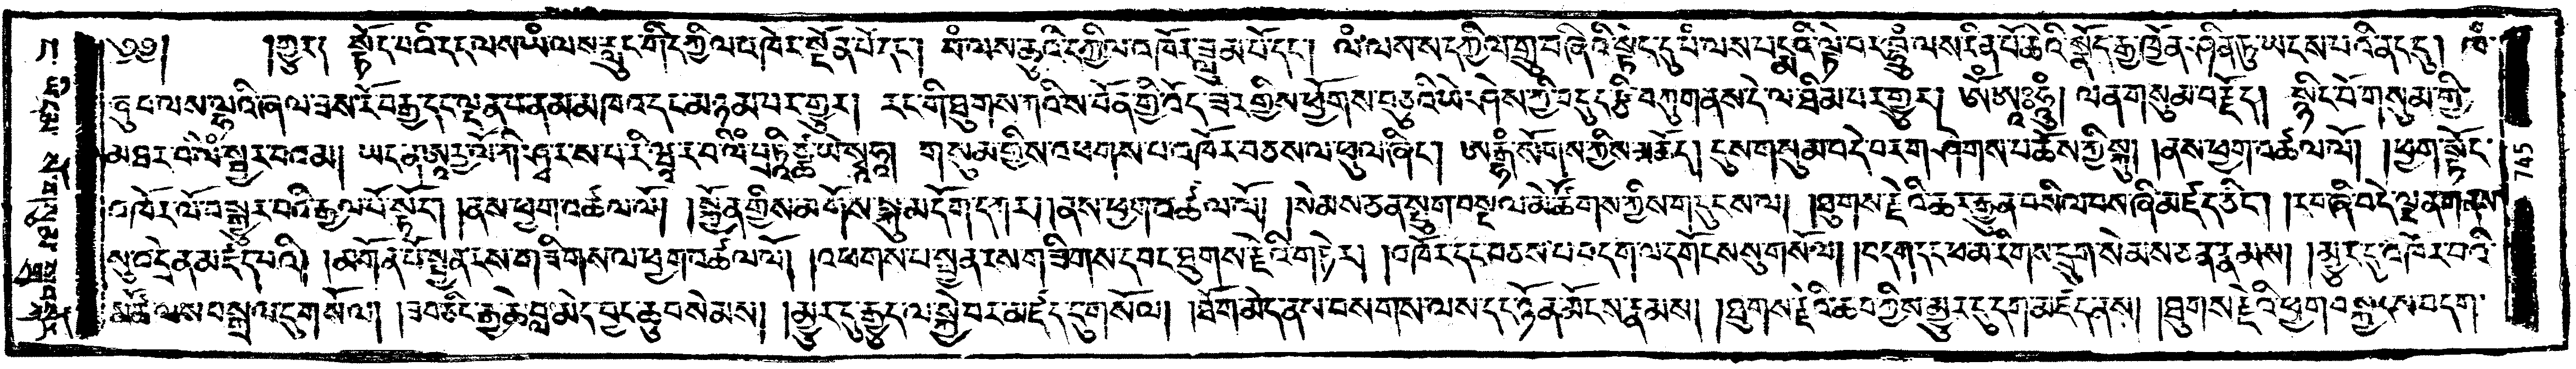༄༅། །གྱུར༑ སྟོང་པའི་དད་ལས་ཡཾ་ལས་རླུང་གི་དཀྱིལ་འཁོར་སྔོན་པོ་དང་། པཾ་ལས་ཆུའི་དཀྱིལ་འཁོར་ཟླུམ་པོ་དང་། ལཾ་ལས་ས་དཀྱིལ་གྲུ་བཞིའི་སྟེང་དུ་པཾ་ལས་པདམའི་ལྟེ་བར་བྷྲུཾ་ལས་རིན་པོ་ཆེའི་སྣོད་རྒྱ་ཁྱོན་ཤིན་ཏུ་ཡངས་པའི་ནང་དུ། ཁཾ་
ཞུབ་ལས་ལྷའི་ཞལ་ཟས་རོ་བརྒྱ་དང་ལྡན་པན་མཁན་དང་མཉན་པར་གྱུར། རང་གི་ཐུགས་ཀའི་ས་བོན་གྱི་འོད་ཟེར་གྱིས་ཕྱོགས་བཅུའི་ཡེ་ཤེས་ཀྱི་བདུད་རྩི་བཀུག་ནས་དེ་ལ་ཐིམ་པར་གྱུར། ཨོཾ་ཨཱཿ ཧཱུཾ། ལན་གསུམ་བརྗོད། སྙིང་པོ་གསུམ་གྱི་
མཐར་བི་ལཾ་སྦྱར་བའམ། ཡང་མ་ཨཱརྱ་ལོ་ཀི་ཤྭ་ར་ས་པ་རི་ཝཱ་ར་བ་ལིཾ་པྲཏཱི་ཙྪ་ཡེ་སྭཱ་ཧཱ། གསུམ་གྱིས་འཕགས་པ་འཁོར་བཅས་ལ་ཕུལ་ཞིང་། ཨ་རྒྷཾ་སོགས་ཀྱིས་མཆོད། དུས་གསུམ་བདེ་བར་གཤེགས་པ་ཆོས་ཀྱི་སྐུ། །ནས་ཕྱག་འཚལ་ལོ། །ཕྱག་སྟོང་
འཁོར་ལོ་བསྒྱུར་བའི་རྒྱལ་པོ་སྟོང་། །ནས་ཕྱག་འཚལ་ལོ། །སྐྱོན་གྱིས་མ་གོས་སྐུ་མདོག་དཀར། །ནས་ཕྱག་འཚལ་ལོ། །སེམས་ཅན་སྡུག་བསྔལ་མེ་ཚོགས་ཀྱིས་གདུངས་ལ། །ཐུགས་རྗེའི་ཆར་རྒྱུན་བསིལ་བས་ཞི་མཛད་ཅིང་། །རབ་ཞི་བདེ་ལྡན་གནས་
སུ་འདྲེན་མཛད་པའི། །མགོན་པོ་སྤྱན་རས་གཟིགས་ལ་ཕྱག་འཚལ་ལོ། །འཕགས་པ་སྤྱན་རས་གཟིགས་དབང་ཐུགས་རྗེའི་གཏེར། །འཁོར་དང་བཅས་པ་བདག་ལ་དགོངས་སུ་གསོལ། །བདག་དང་ཕམ་རིགས་དྲུག་སེམས་ཅན་རྣམས། །མྱུར་དུ་འཁོར་བའི་
མཚོ་ལས་བསྒྲལ་དུ་གསོལ། །ཟང་ཅིང་རྒྱ་ཆེ་བླ་མེད་བྱང་ཆུབ་སེམས། །མྱུར་དུ་རྒྱུད་ལ་སྐྱེ་བར་མཛད་དུ་གསོལ། །ཐོག་མེད་ནས་བསགས་ལས་དང་ཉོན་མོངས་རྣམས། །ཐུགས་རྗེའི་ཆབ་ཀྱིས་མྱུར་དུ་དག་མཛད་ནས། །ཐུགས་རྗེའི་ཕྱག་བསྐྱངས་བདག་